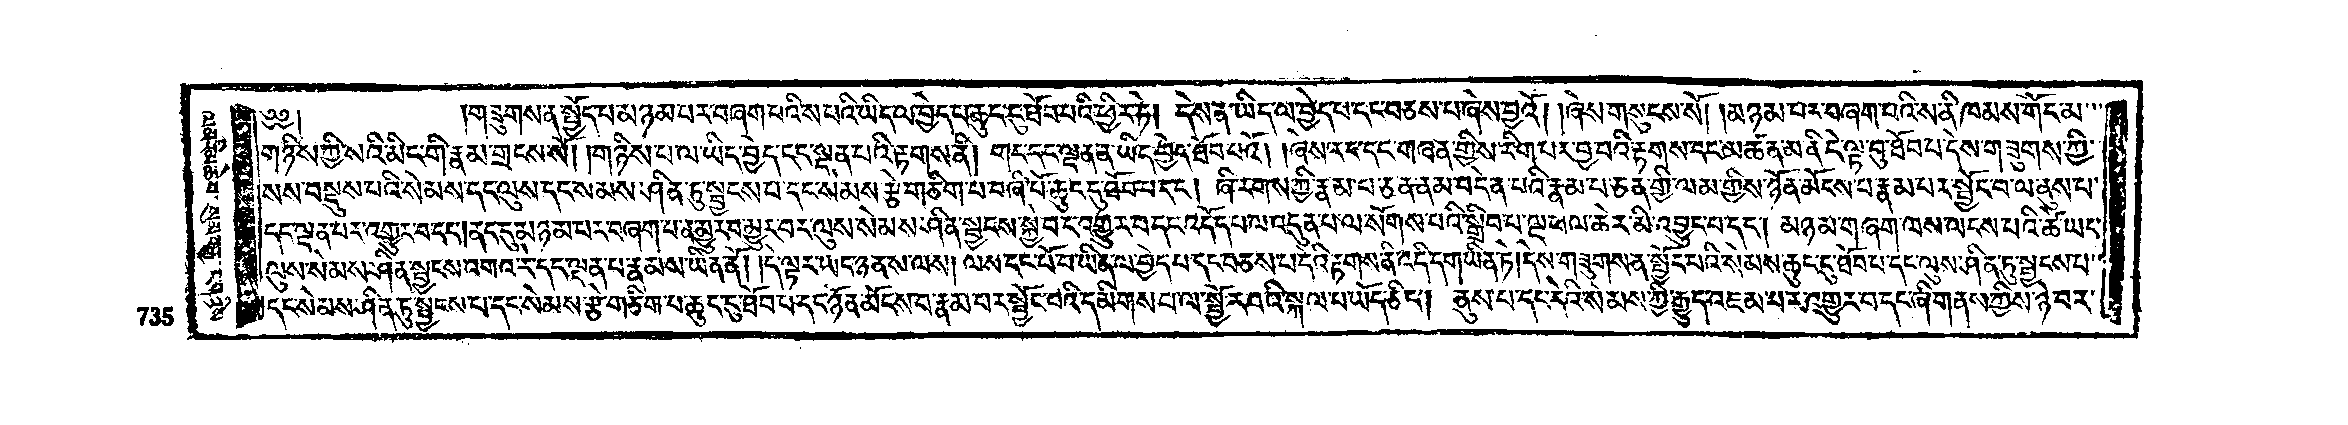༄༅། །གཟུགས་ན་སྤྱོད་པ་མཉམ་པར་བཞག་པའི་ས་པའི་ཡིད་ལ་བྱེད་པ་ཆུང་ངུ་ཐོབ་པའི་ཕྱིར་ཏེ། དེས་ན་ཡིད་ལ་བྱེད་པ་དང་བཅས་པ་ཞེས་བྱའོ། །ཞེས་གསུངས་སོ། །མཉམ་པར་བཞག་པའི་ས་ནི་ཁམས་གོང་མ་
གཉིས་ཀྱི་སའི་མིང་གི་རྣམ་གྲངས་སོ། །གཉིས་པ་ལ་ཡིད་བྱེད་དང་ལྡན་པའི་རྟགས་ནི། གང་དང་ལྡན་ན་ཡིད་བྱེད་ཐོབ་པའོ། །ཞེས་རང་དང་གཞན་གྱིས་རིག་པར་བྱ་བའི་རྟགས་དང་མཚན་མ་ནི་དེ་ལྟ་བུ་ཐོབ་པ་དེས་གཟུགས་ཀྱི་
སས་བསྡུས་པའི་སེམས་དང་ལུས་དང་སེམས་ཤིན་ཏུ་སྦྱངས་པ་དང་སེམས་རྩེ་གཅིག་པ་བཞི་པོ་ཆུང་ངུ་ཐོབ་པ་དང་། ཞི་རགས་ཀྱི་རྣམ་པ་ཅན་ནམ་བདེན་པའི་རྣམ་པ་ཅན་གྱི་ལམ་གྱིས་ཉོན་མོངས་པ་རྣམ་པར་སྦྱོང་བ་ལ་ནུས་པ་
དང་ལྡན་པར་འགྱུར་བ་དང་། ནང་དུ་མཉམ་པར་བཞག་པ་ན་མྱུར་བ་མྱུར་བར་ལུས་སེམས་ཤིན་སྦྱངས་སྐྱེ་བར་འགྱུར་བ་དང་འདོད་པ་ལ་འདུན་པ་ལ་སོགས་པའི་སྒྲིབ་པ་ལྔ་ཕལ་ཆེར་མི་འབྱུང་བ་དང་། མཉམ་གཞག་ལས་ལངས་པའི་ཚེ་ཡང་
ལུས་སེམས་ཤིན་སྦྱངས་འགའ་རེ་དང་ལྡན་པ་རྣམས་ཡིན་ནོ། །དེ་ལྟར་ཡང་ཉན་ས་ལས། ལས་དང་པོ་པ་ཡིད་ལ་བྱེད་པ་དང་བཅས་པ་དེའི་རྟགས་ནི་འདི་དག་ཡིན་ཏེ། དེས་གཟུགས་ན་སྤྱོད་པའི་སེམས་ཆུང་ངུ་ཐོབ་པ་དང་ལུས་ཤིན་ཏུ་སྦྱངས་པ་
དང་སེམས་ཤིན་ཏུ་སྦྱངས་པ་དང་སེམས་རྩེ་གཅིག་པ་ཆུང་ངུ་ཐོབ་པ་དང་ཉོན་མོངས་པ་རྣམ་པར་སྦྱོང་བའི་དམིགས་པ་ལ་སྦྱོར་བའི་སྐལ་བ་?་ཡོད་ཅིང་། ནུས་པ་དང་དེའི་སེམས་ཀྱི་རྒྱུད་འཇམ་པར་འགྱུར་བ་དང་ཞི་གནས་ཀྱིས་ཉེ་བར་